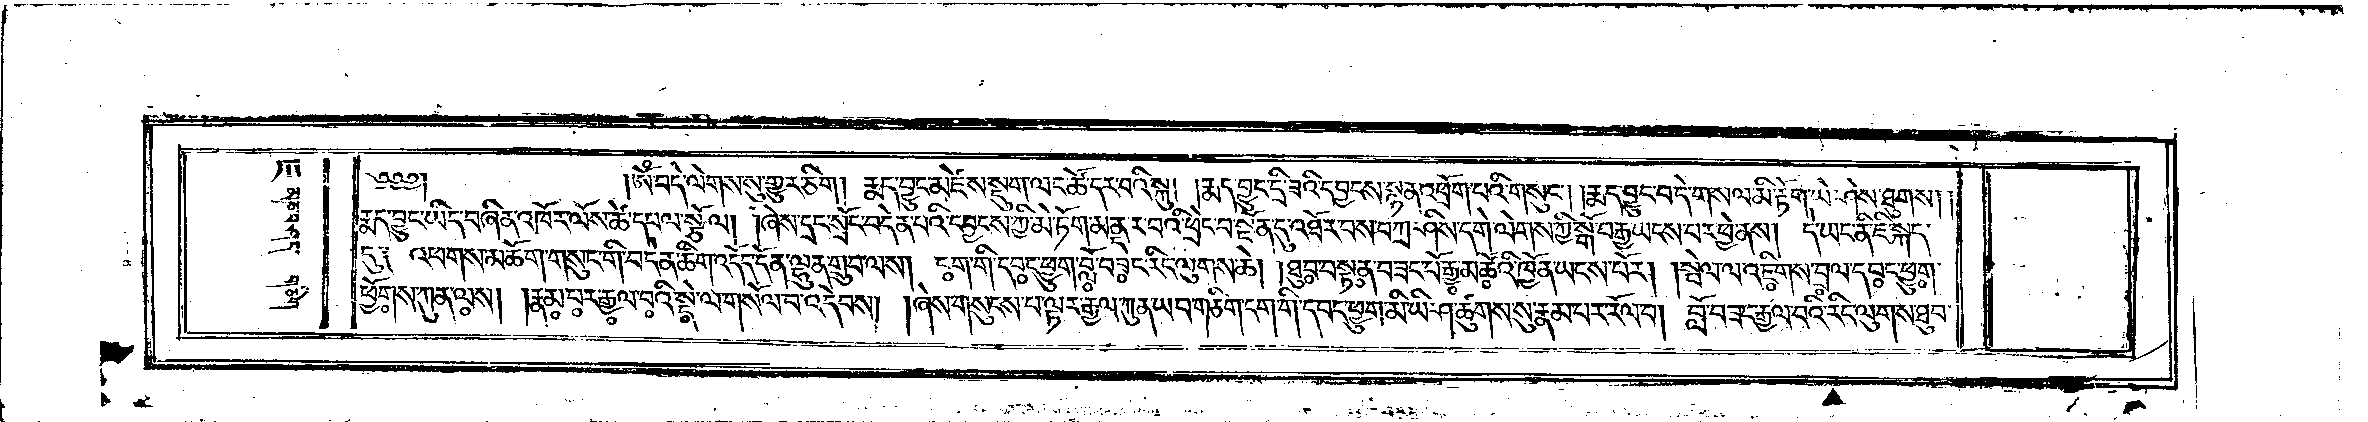༄༅༅། །ཨོཾ་བདེ་ལེགས་སུ་གྱུར་ཅིག །རྨད་བྱུང་མཛེས་སྡུག་ལང་ཚོ་དར་བའི་སྐུ། །རྨད་བྱུང་དྲི་ཟའི་དབྱངས་སྙན་འཕྲོག་པའི་གསུང་། རྨད་བྱུང་བདེ་གསལ་མི་རྟོག་ཡེ་ཤེས་ཐུགས།
རྨད་བྱུང་ཡིད་བཞིན་འཁོར་ལོས་ཚེ་དཔལ་རྩོལ། །ཞེས་དྲང་སྲོང་བདེན་པའི་དབྱངས་ཀྱི་མེ་ཏོག་མཎྜ་ར་བའི་ཕྲེང་བ་སྔོན་དུ་འཐོར་བས་བཀྲ་ཤིས་དགེ་ལེགས་ཀྱི་སྒོ་བརྒྱ་ཡངས་པར་ཕྱེ་ནས། དེ་ཡང་ཇི་སྐད་
དུ༑ འཕགས་མཆོག་གསུང་གི་བདེན་ཚིག་འདོད་དོན་ལྷུན་གྲུབ་ལས། ངག་གི་དབང་ཕྱུག་བློ་བཟང་རིང་ལུགས་ཆེ། །ཐུབ་བསྟན་བཟང་པོ་རྒྱ་མཚོའི་ཁྱོན་ཡངས་པོར། །སྤེལ་ལ་འཇིགས་བྲལ་དབང་ཕྱུག་
ཕྱོགས་ཀུན་ལས། །རྣམ་པར་རྒྱལ་བའི་སྡེ་ལ་གསོལ་བ་འདེབས། །ཞེས་གསུངས་པ་ལྟར་རྒྱལ་ཀུན་ཡབ་གཅིག་ངག་གི་དབང་ཕྱུག་མི་ཡི་ཤ་ཚུགས་སུ་རྣམ་པར་རོལ་བ། བློ་བཟང་རྒྱལ་བའི་རིང་ལུགས་ཐུབ་